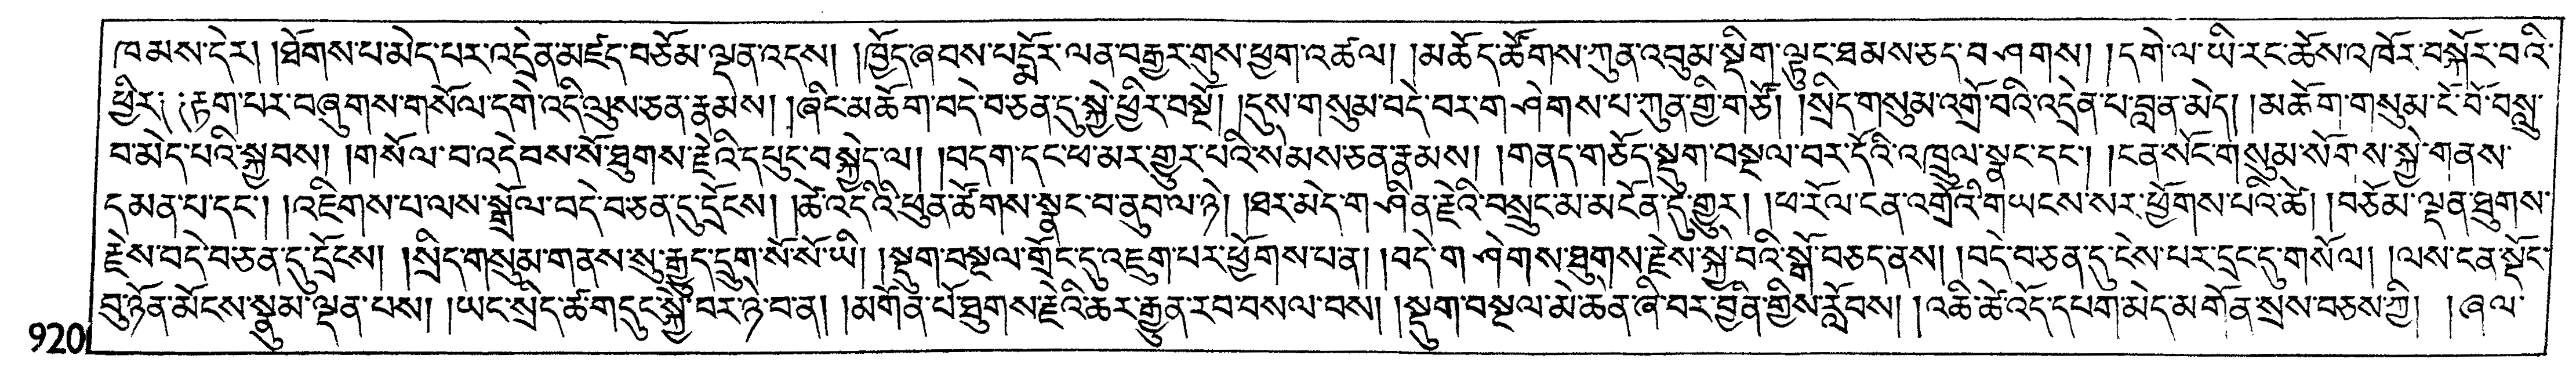ཁམས་དེར། །ཐོགས་པ་མེད་པར་འདྲེན་མཛད་བཅོམ་ལྡན་འདས། །ཁྱོད་ཞབས་པདམོར་ལན་བརྒྱར་གུས་ཕྱག་འཚལ། །མཆོད་ཚོགས་ཀུན་འབུམ་སྡིག་ལྟུང་ཐམས་ཅད་བཤགས། །དགེ་ལ་ཡི་རང་ཆོས་འཁོར་བསྐོར་བའི་
ཕྱིར༑ ༑རྟག་པར་བཞུགས་གསོལ་དགེ་འདི་ལུས་ཅན་རྣམས། །ཞིང་མཆོག་བདེ་བ་ཅན་དུ་སྐྱེ་ཕྱིར་བསྔོ། །དུས་གསུམ་བདེ་བར་གཤེགས་པ་ཀུན་གྱི་གཙོ། །སྲིད་གསུམ་འགྲོ་བའི་འདྲེན་པ་བླ་ན་མེད། །མཆོག་གསུམ་ངོ་བོ་བསླུ་
བ་མེད་པའི་སྐྱབས། །གསོལ་བ་འདེབས་སོ་ཐུགས་རྗེའི་དཔུང་བསྐྱེད་ལ། །བདག་དང་ཕ་མར་གྱུར་པའི་སེམས་ཅན་རྣམས། །གནད་གཅོད་སྡུག་བསྔལ་བར་དོའི་འཁྲུལ་སྣང་དང་། །ངན་སོང་གསུམ་སོགས་སྐྱེ་གནས་
དམན་པ་དང་། །འཇིགས་པ་ལས་སྒྲོལ་བདེ་བ་ཅན་དུ་དྲོངས། །ཚེ་འདིའི་ཕུན་ཚོགས་སྣང་བ་ནུབ་ལ་ཉེ། །ཐར་མེད་གཤིན་རྗེའི་བསྲུང་མ་མངོན་དུ་གྱུར། །ཕ་རོལ་ངན་འགྲོའི་གཡངས་སར་ཕྱོགས་པའི་ཚེ། །བཅོམ་ལྡན་ཐུགས་
རྗེས་བདེ་བ་ཅན་དུ་དྲོངས། །སྲིད་གསུམ་གནས་སུ་རྒྱུད་དྲུག་སོ་སོ་ཡི། །སྡུག་བསྔལ་གྲོང་དུ་འཇུག་པར་ཕྱོགས་པ་ན། །བདེ་གཤེགས་ཐུགས་རྗེས་སྐྱེ་བའི་སྒོ་བཅད་ནས། །བདེ་བ་ཅན་དུ་ངེས་པར་དྲང་དུ་གསོལ། །ལས་ངན་སྡོང་
བུ་ཉོན་མོངས་སྣུམ་ལྡན་པས། །ཡང་སྲིད་ཚ་གདུང་སྐྱེ་བར་ཉེ་བ་ན། །མགོན་པོ་ཐུགས་རྗེའི་ཆར་རྒྱུན་རབ་བསལ་བས། །སྡུག་བསྔལ་མེ་ཆེན་ཞི་བར་བྱིན་གྱིས་རློབས། །འཆི་ཚེ་འོད་དཔག་མེད་མགོན་སྲས་བཅས་ཀྱི། །ཞལ་